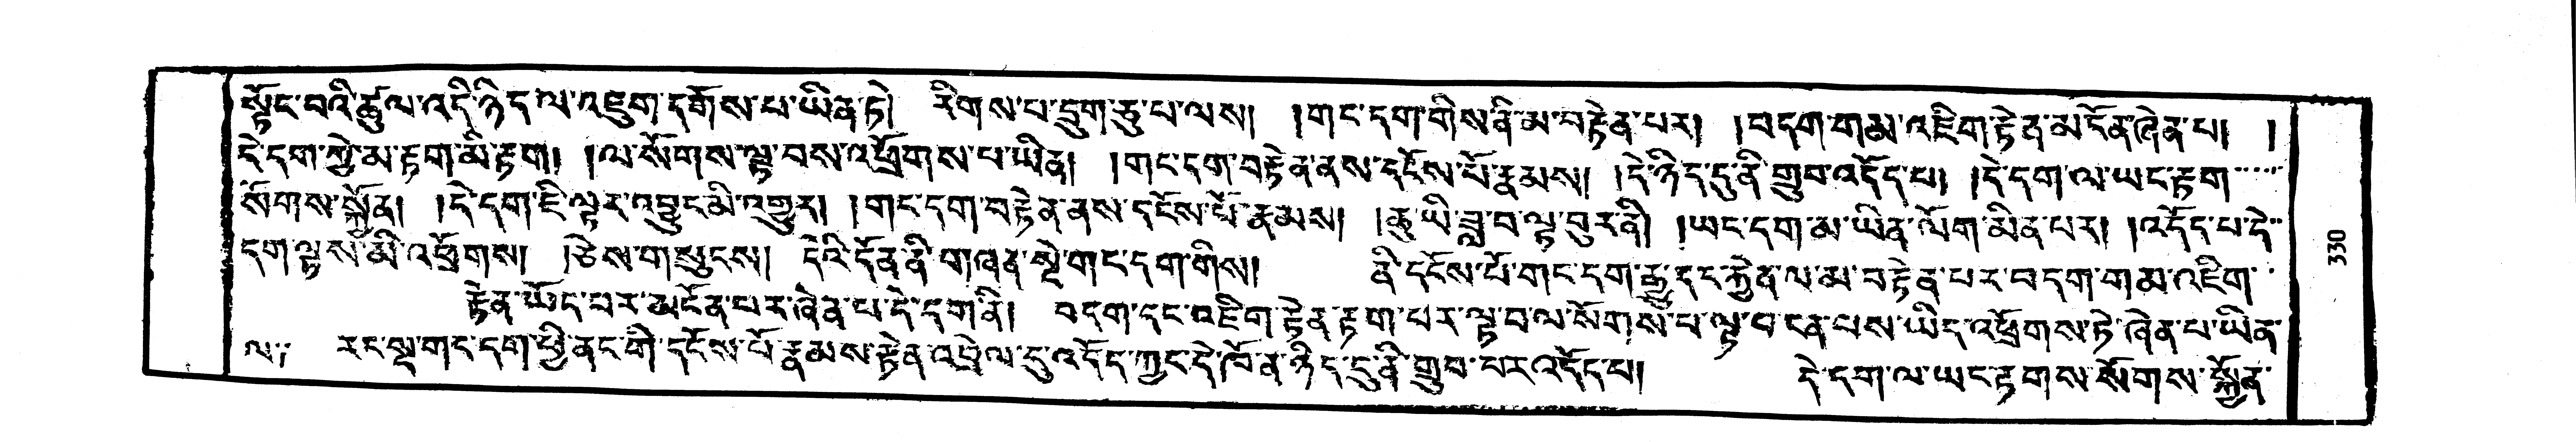སྟོང་བའི་ཚུལ་འདི་ཉིད་ལ་འཇུག་དགོས་པ་ཡིན་ཏེ། རིགས་པ་དྲུག་ཅུ་པ་ལས། །གང་དག་གིས་ནི་མ་བརྟེན་པར། །བདག་གམ་འཇིག་རྟེན་མངོན་ཞེན་པ། །
དེ་དག་ཀྱེ་མ་རྟག་མི་རྟག །ལ་སོགས་ལྟ་བས་འཕྲོགས་པ་ཡིན། །གང་དག་བརྟེན་ནས་དངོས་པོ་རྣམས། །དེ་ཉིད་དུ་ནི་གྲུབ་འདོད་པ། །དེ་དག་ལ་ཡང་རྟག་
སོགས་སྐྱོན། །དེ་དག་ཇི་ལྟར་འབྱུང་མི་འགྱུར། །གང་དག་བརྟེན་ནས་དངོས་པོ་རྣམས། །ཆུ་ཡི་ཟླ་བ་ལྟ་བུར་ནི། །ཡང་དག་མ་ཡིན་ལོག་མིན་པར། །འདོད་པ་དེ་
དག་ལྟས་མི་འཕྲོགས། །ཅེས་གསུངས། །དེའི་དོན་ནི་གཞན་སྡེ་གང་དག་གིས། ནི་དངོས་པོ་གང་དག་རྒྱུ་དང་རྐྱེན་ལ་མ་བརྟེན་པར་བདག་གམ་འཇིག་
རྟེན་ཡོད་པར་མངོན་པར་ཞེན་པ་དེ་དག་ནི། བདག་དང་འཇིག་རྟེན་རྟག་པར་ལྟ་བ་ལ་སོགས་པ་ལྟ་བ་ངན་པས་ཡིད་འཕྲོགས་ཏེ་ཞེན་པ་ཡིན་
ལ། རང་སྔ་གང་དག་ཕྱི་ནང་གི་དངོས་པོ་རྣམས་རྟེན་འབྲེལ་དུ་འདོད་ཀྱང་དེ་ཁོ་ན་ཉིད་དུ་ནི་གྲུབ་པར་འདོད་པ། དེ་དག་ལ་ཡང་རྟགས་སོགས་སྐྱོན་